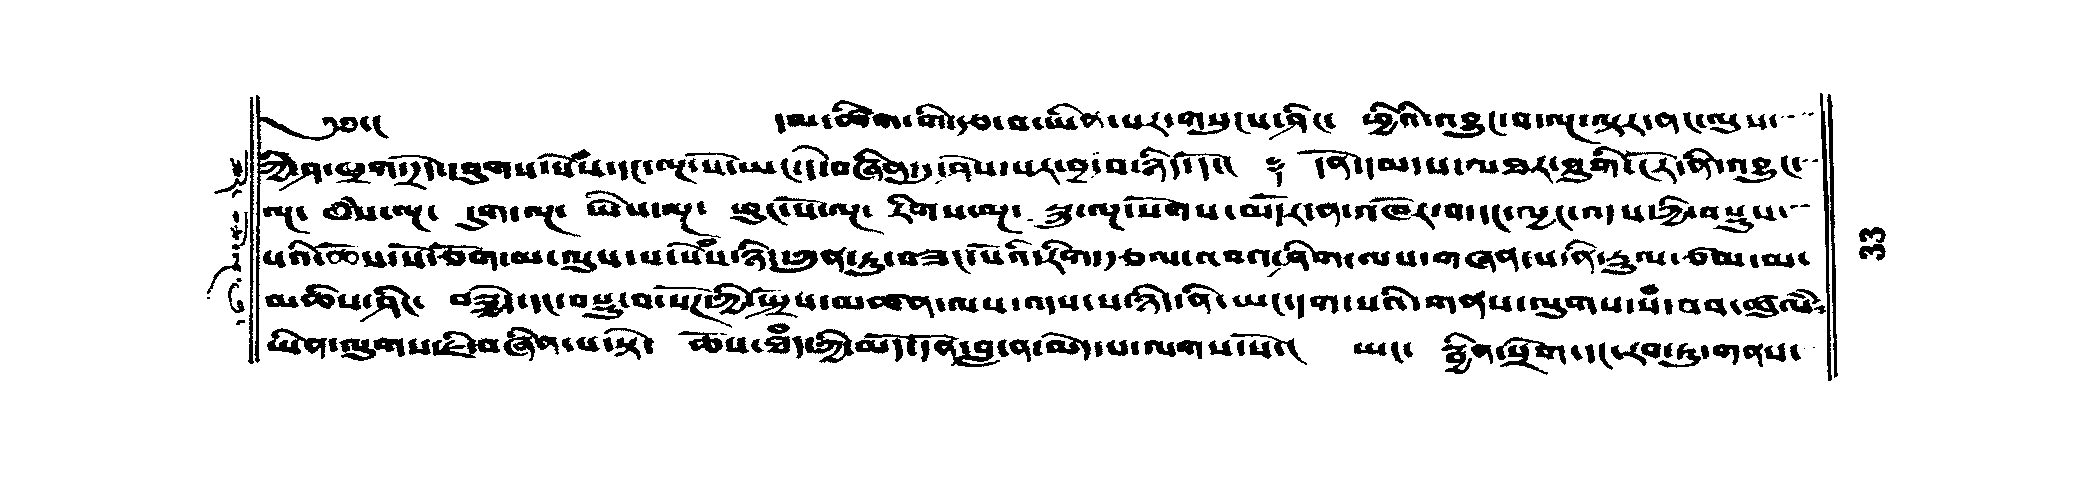དམཔཚིགཔགིཔརྩཔབཔཡིནཔ་རཔགསུངསཔཤིངཔ། ཕྱིའིཔའབྱུངཔབཔལྔཔལྟརཔནངཔལུས
པཀྱིཔཤཔཁྲགཔདྲོདཔདབུགསཔསེམསཔདངཔལྔཔ་ོཔཡངཔདེཔབཞིནཔདུཔཤེསཔ་རཔབྱཔབཔཉིདཔདོ།དོནཔདམཔ་པམཐརཔཐུགཔགིཔངོརཔནིཔའབྱུངཔབཔ
ལྔ། ཁམསཔལྔ། དུགཔལྔ། ཡེཔཤེསཔལྔ། ཕུངཔ་ོཔལྔ། རིགསཔལྔ། སྐུཔལྔཔསོགསཔམདོརཔནཔའཁོརཔབཔདངཔམྱངཔའདསཔཀྱིཔབསྡུས
པ་འིཔཆོསཔསོཔཅོགཔམཔལུསཔ་པཀུནཔཏཔབཟངཔ་ོའིཔརིགཔརྩལཔའབའཔཞིགཔལསཔགཞནཔ་འིཔརྡུལཔཙམཔམཔ
མཆིསཔཤིངཔ། བེདཔདངཔབསྡུཔབཔསོགསཔཀྱིཔསྤྲོསཔམཚནཔལསཔའདསཔ་པཉིདཔནིཔཡངཔདགཔ་འིཔགནསཔལུགསཔསམཔབབཔཚུལཔལམཔ
ཡིནཔལུགསཔཇིཔབཞིནཔ་པསྟེ། ཆོསཔཐམསཔཅདཔཀྱིཔམདོཔདོནཔབླཔནཔམེདཔ་པལགསཔསོ། ཡངཔ། སྦྱིནཔསྲེགཔདངཔརབཔཏཔགནས